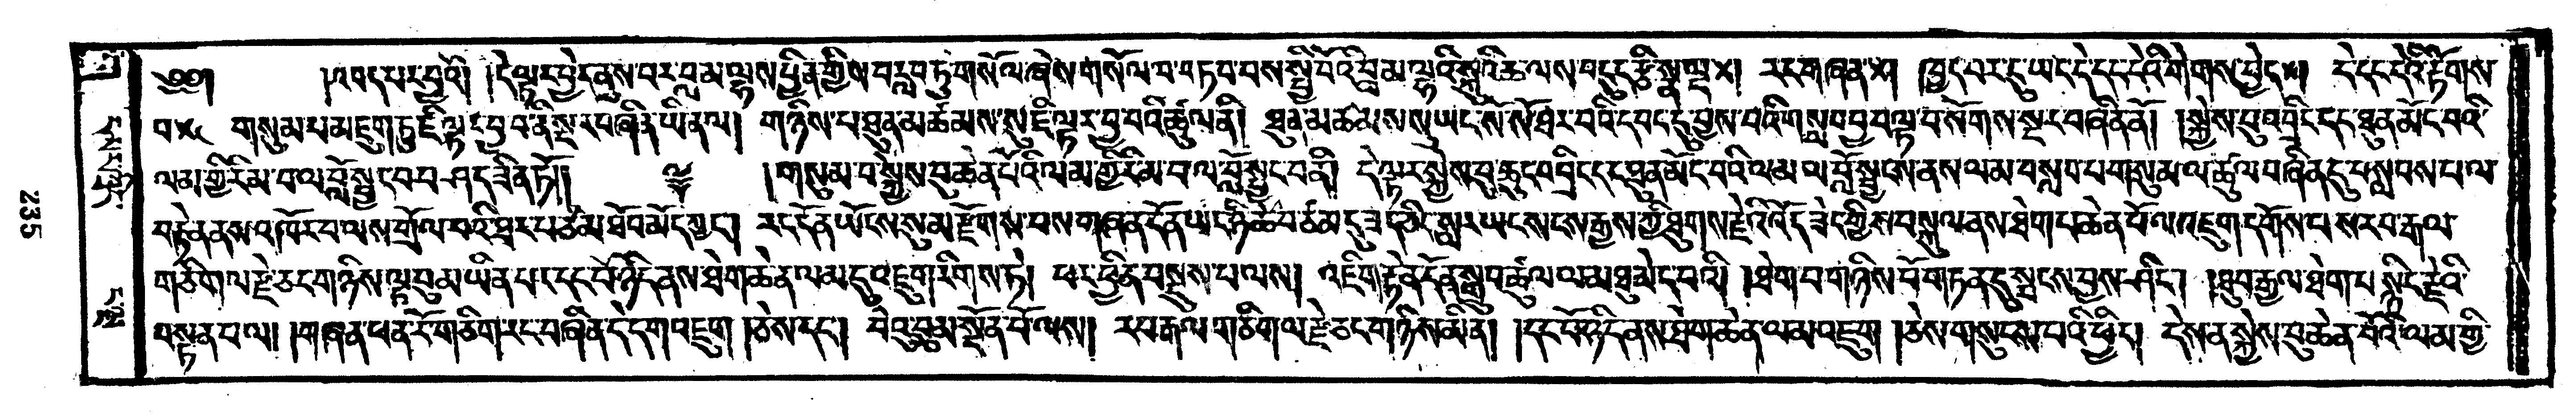༄༅། །འབད་པར་བྱའོ། །དེ་ལྟར་བྱེད་ནུས་བར་བླ་མ་ལྷས་ཕྱིན་གྱིས་བརླབ་ཏུ་གསོལ་ཞེས་གསོལ་བ་བཏབ་བས་སྤྱི་བོའི་བླ་མ་ལྷའི་སྐུའི་ཆ་ལས་བདུད་རྩི་སྣ་ལྔ་྾། རང་གཞན་྾། ཁྱད་བར་དུ་ཡང་དེ་དང་དེའི་རྟོགས་
བ྾། གསུམ་པ་མཇུག་ཏུ་ཇི་ལྟར་བྱ་བ་ནི་སྔར་བཞིན་ཡིན་ལ། གཉིས་པ་ཐུན་མཚམས་སུ་ཇི་ལྟར་བྱ་བའི་ཚུལ་ནི། ཐུན་མཚམས་སུ་ཡང་སོ་སོ་ཐར་བའི་དབང་དུ་བྱས་པའི་བསླབ་བྱ་བ་ལྟ་བ་སོགས་སྔར་བཞིན་ནོ། །སྐྱེས་བུ་འབྲིང་དང་ཐུན་མོང་བའི་
ལམ་གྱི་རིམ་བ་ལ་བློ་སྤྱད་བ་བཤད་ཟིན་ཏོ།། ༈ །གསུམ་བ་སྐྱེས་བུ་ཆེན་པོའི་ལམ་གྱི་རིམ་བ་ལ་བློ་སྦྱང་བ་ནི། དེ་ལྟར་སྐྱེས་བུ་ཆུང་བྲིང་དང་ཐུན་མོང་བའི་ལམ་ལ་བློ་སྦྱངས་ནས་ལམ་བསླབ་པ་གསུམ་ལ་ཚུལ་བཞིན་དུ་བསླབས་པ་ལ་
བརྟེན་ནས་འཁོར་བ་ལས་གྲོལ་བའི་ཐར་པ་ཙམ་ཐོབ་མོད་ཀྱང་། རང་དོན་ཡོངས་སུ་མ་རྫོགས་བས་གཞན་དོན་ཡང་ཉི་ཆབ་ཙམ་དུ་ཟད་ཅིང་སླར་ཡང་སངས་རྒྱས་ཀྱི་ཐུགས་རྗེའི་འོད་ཟེར་གྱིས་བསྐུལ་ནས་ཐེག་པ་ཆེན་པོ་ལ་འཇུག་དགོས་པས་རབ་རྒལ་
གཅིག་ལ་རྫེ་ཅང་གཉིས་ལྟ་བུ་མ་ཡིན་པར་དང་བོ་ཉིད་ནས་ཐེག་ཆེན་ལམ་དུ་འཇུག་རིགས་ཏེ། ཕར་བྱིན་བསྡུས་པ་ལས། འཇིག་རྟེན་དོན་སྒྲུབ་ཚུལ་ལ་མཐུ་མེད་བའི། །ཐེག་པ་གཉིས་པོ་གཏན་དུ་སྤངས་བྱས་ཤིང་། །ཐུབ་རྒྱལ་ཐེག་པ་སྙིང་རྗེའི་
བསྟན་པ་ལ། །གཞན་ཕན་རོ་གཅིག་རང་བཞིན་དེ་དག་འཇུག །ཅེས་དང་། བེའུ་བུམ་སྔོན་བོ་ལས། རབ་རྒལ་གཅིག་ལ་རྗེ་ཅང་གཉིས་མིན། །དང་པོ་ཉིད་ནས་ཐེག་ཆེན་ལམ་འཇུག། །ཅེས་གསུངས་པའི་ཕྱིར། དེས་ན་སྐྱེས་བུ་ཆེན་པོའི་ལམ་གྱི་